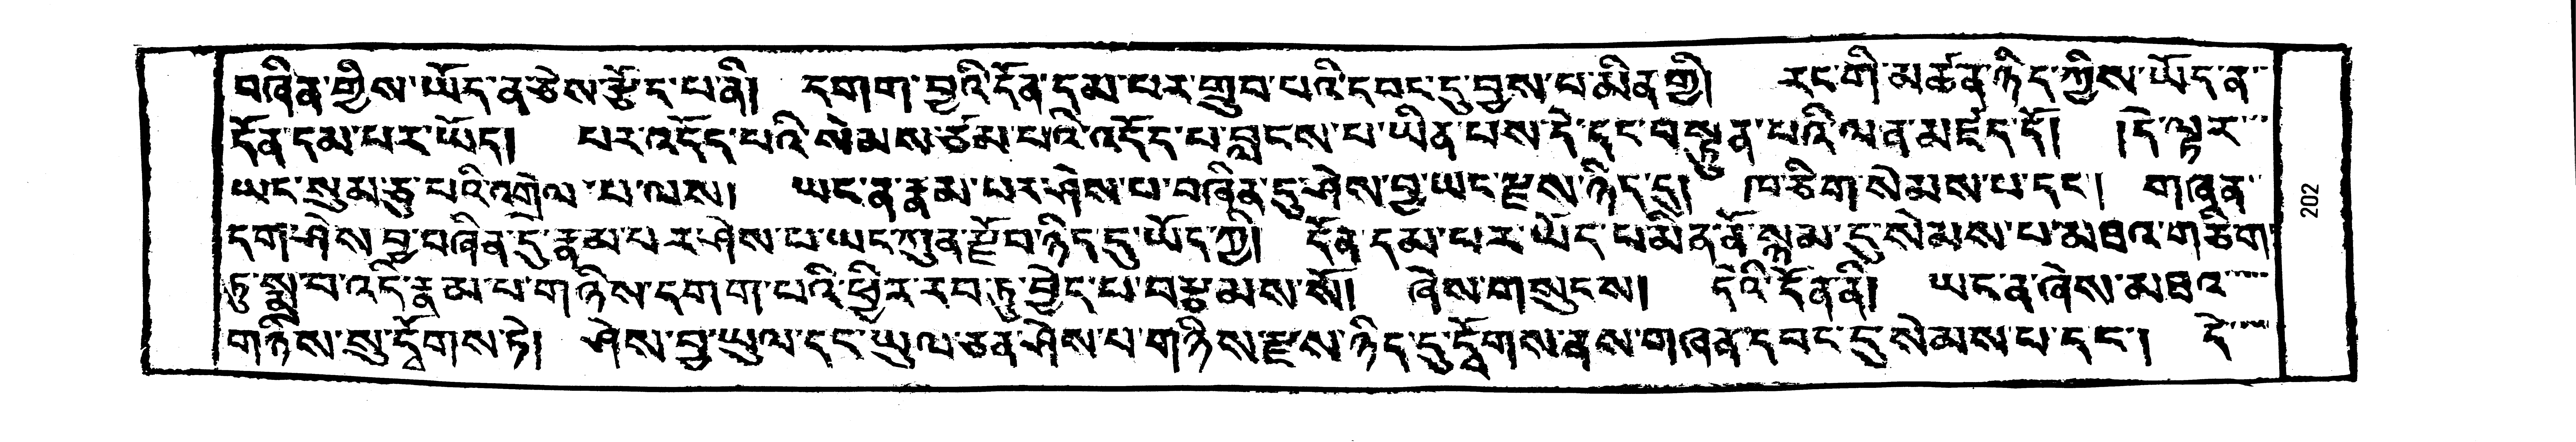བཞིན་གྱིས་ཡོད་ན་ཅེས་རྩོད་པ་ནི། དགག་བྱའི་དོན་དམ་པར་གྲུབ་པའི་དབང་དུ་བྱས་པ་མིན་གྱི། རང་གི་མཚན་ཉིད་ཀྱིས་ཡོད་ན་
དོན་དམ་པར་ཡོད། པར་འདོད་པའི་སེམས་ཙམ་པའི་འདོད་པ་བླངས་པ་ཡིན་པས་དེ་དང་བསྟུན་པའི་ལན་མཛད་དོ། །དེ་ལྟར་
ཡང་སུམ་ཅུ་པའི་འགྲེལ་པ་ལས། ཡང་ན་རྣམ་པར་ཤེས་པ་བཞིན་དུ་ཤེས་བྱ་ཡང་རྫས་ཉིད་དུ། ཁ་ཅིག་སེམས་པ་དང་། གཞན་
དག་ཤེས་བྱ་བཞིན་དུ་རྣམ་པར་ཤེས་པ་ཡང་ཀུན་རྫོབ་ཉིད་དུ་ཡོད་ཀྱི། དོན་དམ་པར་ཡོད་པ་མིན་ནོ་སྙམ་དུ་སེམས་པ་མཐའ་གཅིག་
ཏུ་སྨྲ་བ་འདི་རྣམ་པ་གཉིས་དགག་པའི་ཕྱིར་རབ་ཏུ་བྱེད་པ་བརྩམས་སོ། ཞེས་གསུངས། དེའི་དོན་ནི། ཡང་ན་ཞེས་མཐའ་
གཉིས་སུ་དྭོགས་ཏེ། ཤེས་བྱ་ཡུལ་དང་ཡུལ་ཅན་ཤེས་པ་གཉིས་རྫས་ཉིད་དུ་དྭོགས་ནས་གཞན་དབང་དུ་སེམས་པ་དང་། དེ་